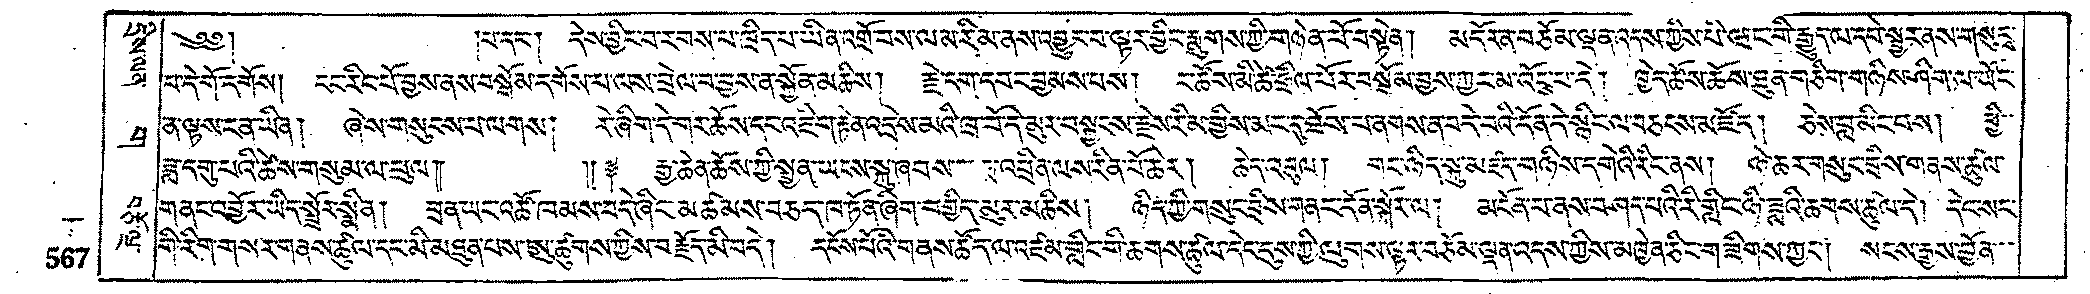༄༅། །པ་དང་། དེས་བྱིང་བ་རགས་པ་ཁྲིད་པ་ཡིན་འགྲོ་བས་ལམ་རིམ་ནས་འབྱུང་བ་ལྟར་བྱིང་རྨུགས་ཀྱི་གཉེན་པོ་བསྟེན། མདོར་ན་བཅོམ་ལྡན་འདས་ཀྱིས་པི་ཝང་གི་རྒྱུད་ལ་དཔེ་སྦྱར་ནས་གསུངས་
པ་དེ་གོ་དགོས། ངང་རིང་པོ་བྱས་ནས་བསྒོམ་དགོས་པ་ལས་བྲེལ་བ་བྱས་ན་སྐྱོན་མཆིས། རྗེ་དག་དབང་བྱམས་པས། ང་ཚོགས་མི་ཚེ་ཧྲིལ་པོར་བསྒོམ་བྱས་ཀྱང་མ་འོངས་པ་དེ། ཁྱེད་ཚོས་ཆོས་ཐུན་གཅིག་གཉིས་ཤིག་ལ་ཡོང་
ན་ལྟས་ངན་ཡིན། ཞེས་གསུངས་པ་ལགས། རེ་ཞིག་དེ་གར་ཆོས་དང་འཇིག་རྟེན་འདྲེས་མའི་ཁྲ་བོ་དེ་མུར་བསྐྱངས་རྗེས་རིམ་གྱིས་མང་དུ་ཐོས་པ་ནགས་ན་བདེ་བའི་དོན་དེ་སྙིང་ལ་བཅངས་མཛོད། ཅེས་བླ་མིང་པས། ཕྱི་་་
ཟླ་དགུ་པའི་ཚེས་གསུམ་ལ་ཕུལ།། །། འ་རྒྱ་ཆེན་ཆོས་ཀྱི་སྤྱན་ཡངས་སྐུ་ཞབས་་་རྨ་འཕྲིན་ལས་རིན་པོ་ཆེར། ཆེད་འབུལ། གང་ཉིད་སྐུ་མཛད་གཉིས་དགེའི་རིང་ནས། ཉེ་ཆར་གསུང་བྲིས་གནས་ཚུལ་
གནང་འབྱོར་ཡིད་སྤྲོར་སྨིན། ཕྲན་ཡང་འཚོ་ཁམས་བདེ་ཞིང་མཚམས་བཅད་ཁ་ཏོན་ཞིག་བགྱིད་མུར་མཆིས། ཉིད་ཀྱི་གསུང་བྲིས་གནང་དོན་སྐོར་ལ། མངོན་པ་ནས་བཤད་པའི་རི་གླིང་ཉི་ཟླའི་ཆགས་ཚུལ་དེ། དེང་སང་
གི་རིག་གསར་གནས་ཚུལ་དང་མི་མཐུན་པས་ཨུ་ཚུགས་ཀྱིས་བརྗོད་མི་བདེ། དངོས་པོའི་གནས་ཚོད་ལ་འཛམ་གླིང་གི་ཆགས་ཚུལ་དེང་དུས་ཀྱི་ལུགས་ལྟར་བཅོམ་ལྡན་འདས་ཀྱིས་མཁྱེན་ཅིང་གཟིགས་ཀྱང་། སངས་རྒྱས་བྱོན་་་